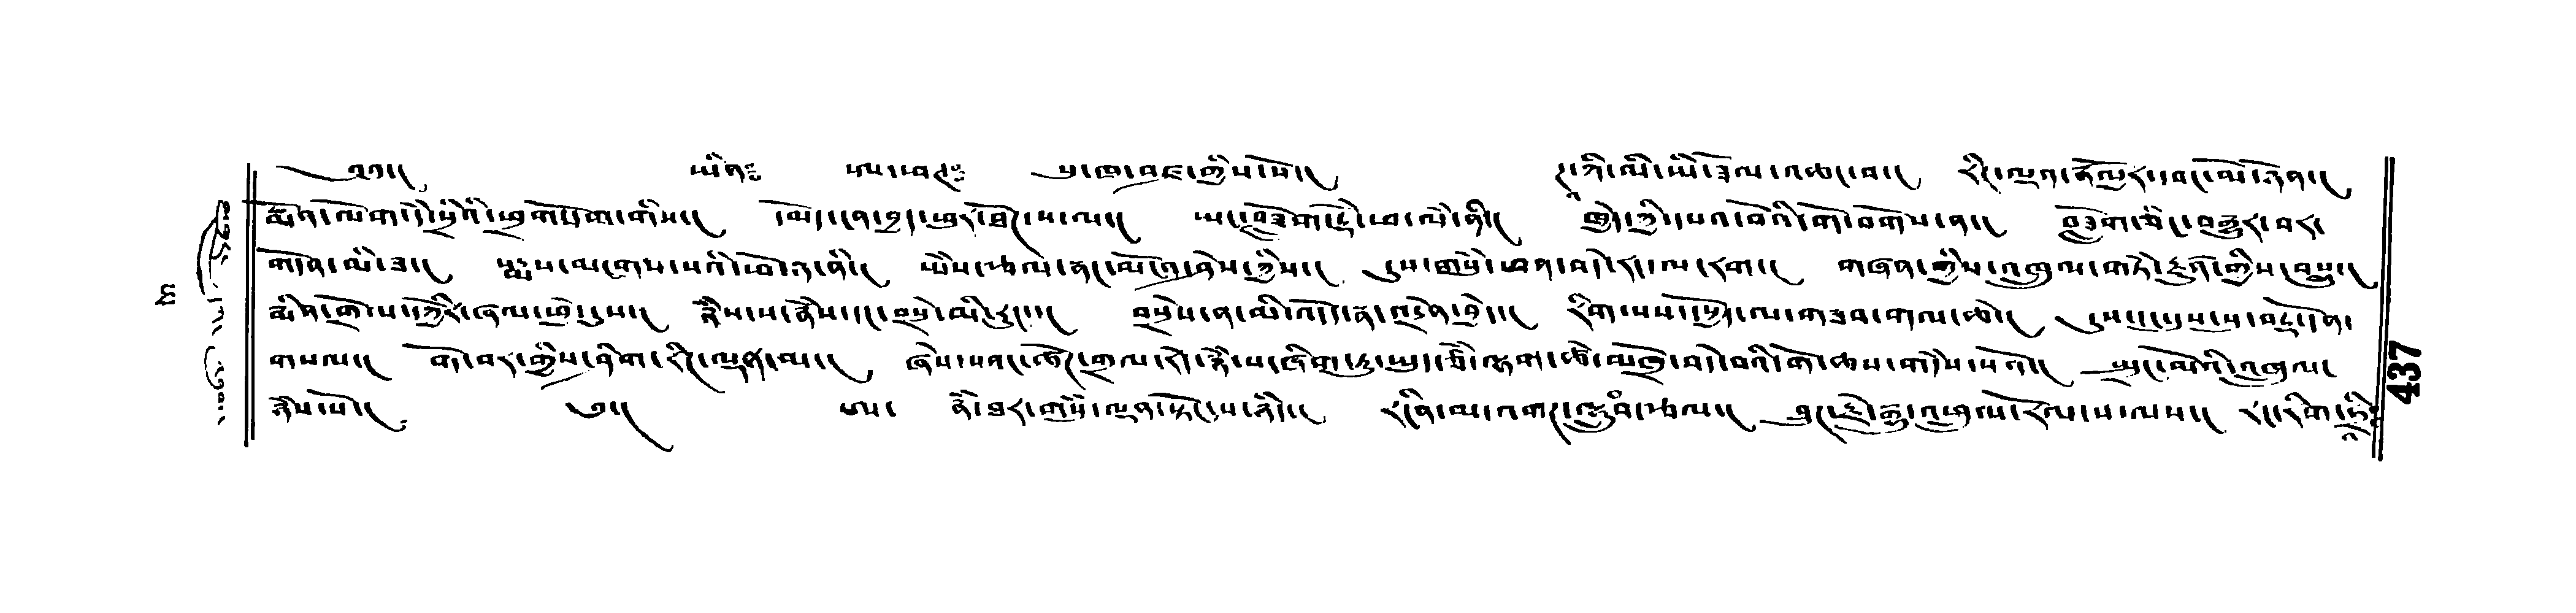ཡིན༔ ཨ་ཕཊ༔ སུ་ཁ་བཛྲ་གྱིས་སོ།། ཌཱ་ཀི་མི་ཡི་ཟོལ་འཆང་བ། ། རིགས་ལྡན་རྣལ་འབྱོར་དབང་མོ་ཉོན། །
སྨོན་ལོག་དམ་སྲིའི་ཕྲག་དོག་གིས། །དམོད་ངན་བྱད་ཕུར་ཐོགས་པ་ལ། །ཡང་བཟློག་རྡོ་རྗེ་ཕ་ལམ་ནི། ཁྱེད་ཀྱི་དཔའ་བོའི་གོ་བགོས་ན། །བཟློག་ཅིང་བསྒྱུར་བར་
གདོན་མི་ཟ། །པདྨས་མངགས་པའི་ཕོ་ཉ་ནི། །ཡེ་ཤེས་རྩལ་སྣང་མངོན་ཤེས་ཀྱིས། །དུས་གསུམ་ཕན་བདེ་རང་ལ་རག །གཞན་གྱིས་འཁྲུལ་གཏམ་རྫུན་གྱིས་བསླུ། །
སྨིན་གྲོལ་དཀྱིལ་འཁོར་ཞལ་ཕྱེ་དུས། །ཉམས་པ་རྣམས་དང་བསྲེ་མི་རུང་། །བསྲེས་ན་མི་འདོད་སྣ་འདྲེན་བྱེད། །རིག་པས་དཔྱོད་ལ་གཟབ་གལ་ཆེ། །དུས་དང་དུས་སུ་བརྡ་དོན་
གསལ། །གོ་བར་གྱིས་ཤིག་རིགས་ལྡན་མ། ཞེས་པའང་ཚོགས་གྲལ་རེད་སྙམ་པ་ཞིག་ཏུ་ཡུད་ཙམ་ལྷག མཁའ་འགྲོ་བདེ་བའི་གོ་ཆས་གདམས་པའོ།། སྤྲང་མོའི་འཁྲུལ་
ཉམས་སོ།།༄། ཨཱཿ རྣམ་ཐར་གསུམ་ལྡན་སྟོང་པ་ཉིད། །རང་བཞིན་མ་འགགས་ལྷུན་གྲུབ་རྩལ། །ཐུགས་རྗེ་སྒྱུ་འཕྲུལ་རོལ་པ་ལས། །རང་རིག་ཧྲཱིཿ